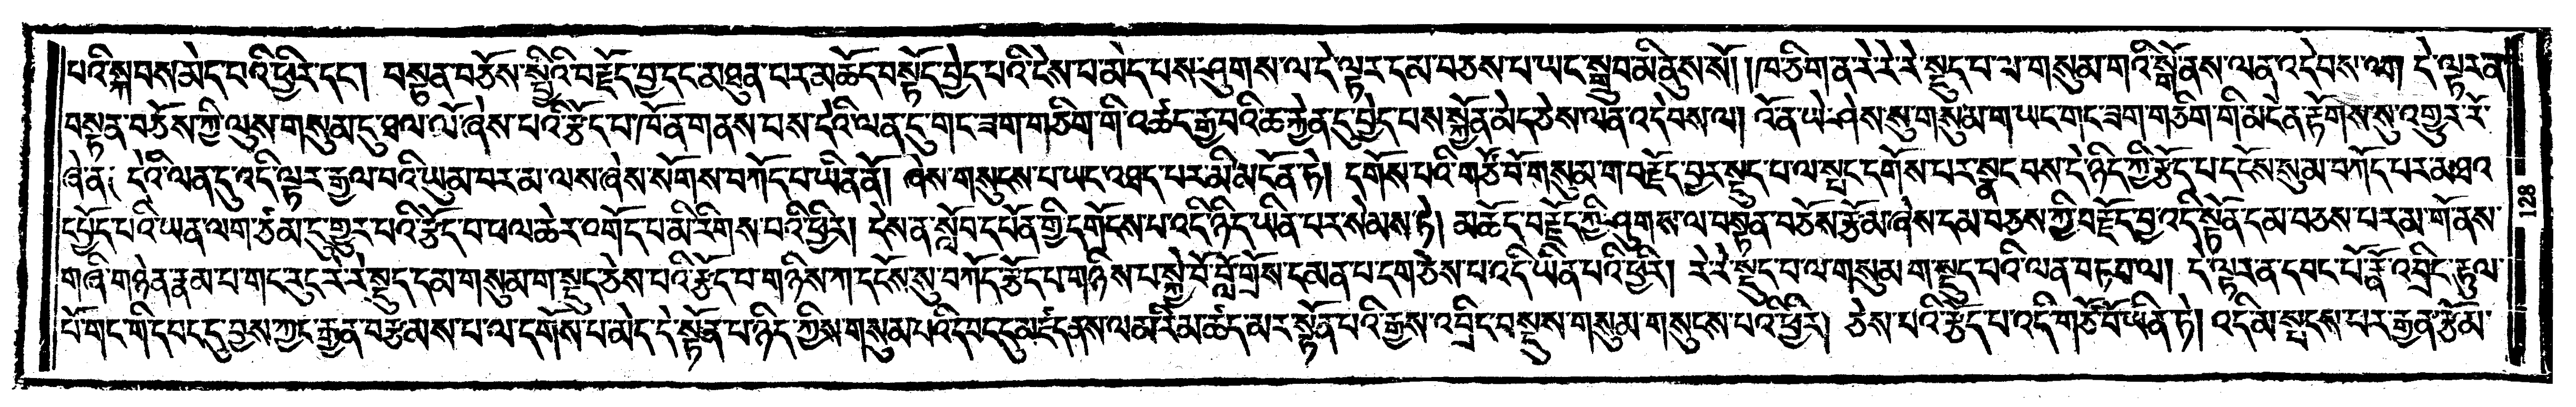པའི་སྐབས་མེད་པའི་ཕྱིར་དང་། བསྟན་བཅོས་སྤྱིའི་བརྗོད་བྱ་དང་མཐུན་པར་མཆོད་བསྟོད་བྱེད་པའི་ངེས་པ་མེད་པས་ཤུགས་ལ་དེ་ལྟར་དམ་བཅས་པ་ཡང་སྒྲུབ་མི་ནུས་སོ། །ཁ་ཅིག་ན་རེ་རེ་རེ་སྡུད་པ་ལ་གསུམ་གའི་སྒོ་ནས་ལན་འདེབས་ལ། དེ་ལྟར་ན་
བསྟན་བཅོས་ཀྱི་ལུས་གསུམ་དུ་ཐལ་ལོ་ཞེས་པའི་རྩོད་པ་ཁོ་ན་གནས་པས་དེའི་ལན་དུ་གང་ཟག་གཅིག་གི་འཚང་རྒྱ་བའི་ཆ་རྐྱེན་དུ་བྱེད་པས་སྐྱོན་མེད་ཅེས་ལན་འདེབས་ལ། འོ་ན་ཡེ་ཤེས་སུ་གསུམ་ག་ཡང་གང་ཟག་གཅིག་གི་མངོན་རྟོགས་སུ་འགྱུར་རོ་
ཞེ་ན། དེའི་ལན་དུ་འདི་ལྟར་རྒྱལ་བའི་ཡུམ་བར་མ་ལས་ཞེས་སོགས་བཀོད་པ་ཡིན་ནོ། ཞེས་གསུངས་པ་ཡང་འཐད་པར་མི་མངོན་ཏེ། དགོས་པའི་གཙོ་བོ་གསུམ་ག་བརྗོད་བྱར་སྡུད་པ་ལ་སྤང་དགོས་པར་སྣང་བས་དེ་ཉིད་ཀྱི་རྩོད་པ་དངོས་སུམ་བཀོད་པར་མཐའ་
དཔྱོད་པའི་ཡན་ལག་ཙམ་དུ་གྱུར་པའི་རྩོད་པ་ཕལ་ཆེར་འགོད་པ་མི་རིགས་པའི་ཕྱིར། དེས་ན་སློབ་དཔོན་གྱི་དགོངས་པ་འདི་ཉིད་ཡིན་པར་སེམས་ཏེ། མཆོད་བརྗོད་ཀྱི་ཤུགས་ལ་བསྟན་བཅོས་རྩོམ་ཞེས་དམ་བཅས་ཀྱི་བརྗོད་བྱ་འདི་སྟོན་དམ་བཅས་པར་མ་གོ་ནས་
གཞི་གཉེན་རྣམ་པ་གང་རུང་རེ་རེ་སྡུད་དམ་གསུམ་ག་སྡུད་ཅེས་པའི་རྩོད་པ་གཉིས་ཀ་དངོས་སུ་བཀོད་རྩོད་པ་གཉིས་པ་སྐྱེ་བོ་བློ་གྲོས་དམན་པ་དག་ཅེས་པ་འདི་ཡིན་པའི་ཕྱིར། རེ་རེ་སྡུད་པ་ལ་གསུམ་ག་སྡུད་པའི་ལན་བཏབ་ལ། དེ་ལྟར་ན་དབང་པོ་རྣོ་འབྲིང་རྟུལ་
པོ་གང་གི་དབང་དུ་བྱས་ཀྱང་རྒྱན་བརྩམས་པ་ལ་དགོས་པ་མེད་དེ་སྟོན་པ་ཉིད་ཀྱིས་གསུམ་པའི་དབང་དུ་མཛད་ནས་ལམ་རིམ་ཚད་མར་སྟོན་པའི་རྒྱས་འབྲིང་བསྡུས་གསུམ་གསུངས་པའི་ཕྱིར། ཅེས་པའི་རྩོད་པ་འདི་གཙོ་བོ་ཡིན་ཏེ། འདི་མ་སྤངས་པར་རྒྱན་རྩོམ་